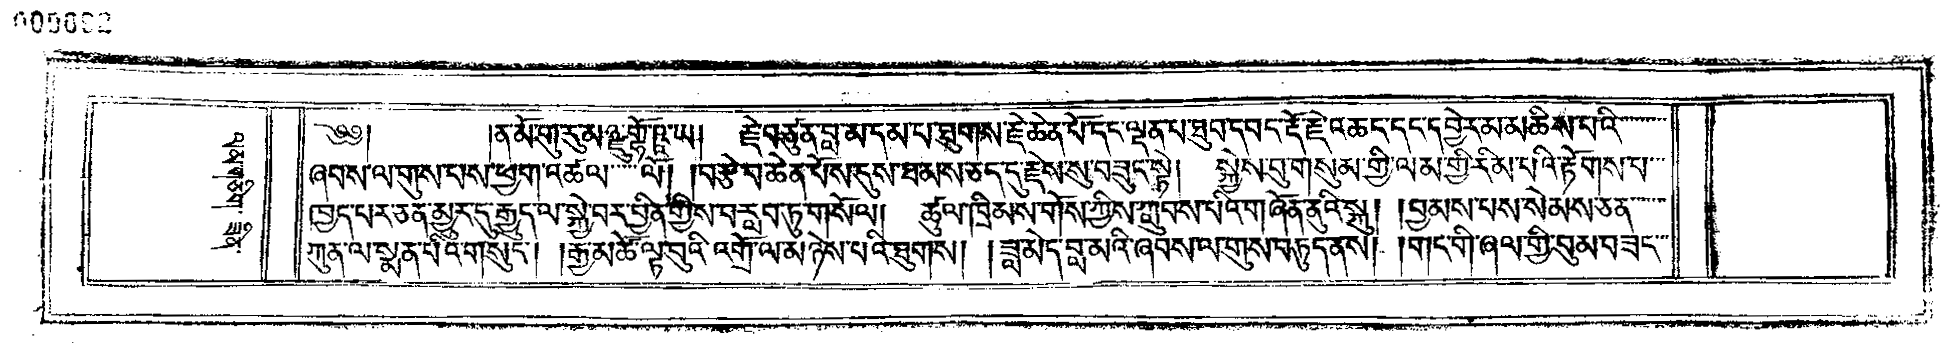༄༅། །ན་མོ་གུ་རུ་མཉྫུ་གྷོ་ཥཱ་ཡ། རྗེ་བཙུན་བླ་མ་དམ་པ་ཐུགས་རྗེ་ཆེན་པོ་དང་ལྡན་པ་ཐུབ་དབང་རྡོ་རྗེ་འཆང་དང་དབྱེར་མ་མཆིས་པའི་
ཞབས་ལ་གུས་པས་ཕྱག་འཚལ་ལོ། །བརྩེ་བ་ཆེན་པོས་དུས་ཐམས་ཅད་དུ་རྗེས་སུ་བཟུང་སྟེ། སྐྱེས་བུ་གསུམ་གྱི་ལམ་གྱི་རིམ་པའི་རྟོགས་པ་
ཁྱད་པར་ཅན་མྱུར་དུ་རྒྱུད་ལ་སྐྱེ་བར་བྱིན་གྱིས་བརླབ་ཏུ་གསོལ། ཚུལ་ཁྲིམས་གོས་ཀྱིས་ཀླུབས་པའི་གཞོན་ནུའི་སྐུ། །བྱམས་པས་སེམས་ཅན་
ཀུན་ལ་སྨན་པའི་གསུང་། །རྒྱ་མཚོ་ལྟ་བུའི་འགྲོ་ལ་མཉེས་པའི་ཐུགས། །ཟླ་མེད་བླ་མའི་ཞབས་ལ་གུས་བཏུད་ནས། །གང་གི་ཞལ་གྱི་བུམ་བཟང་